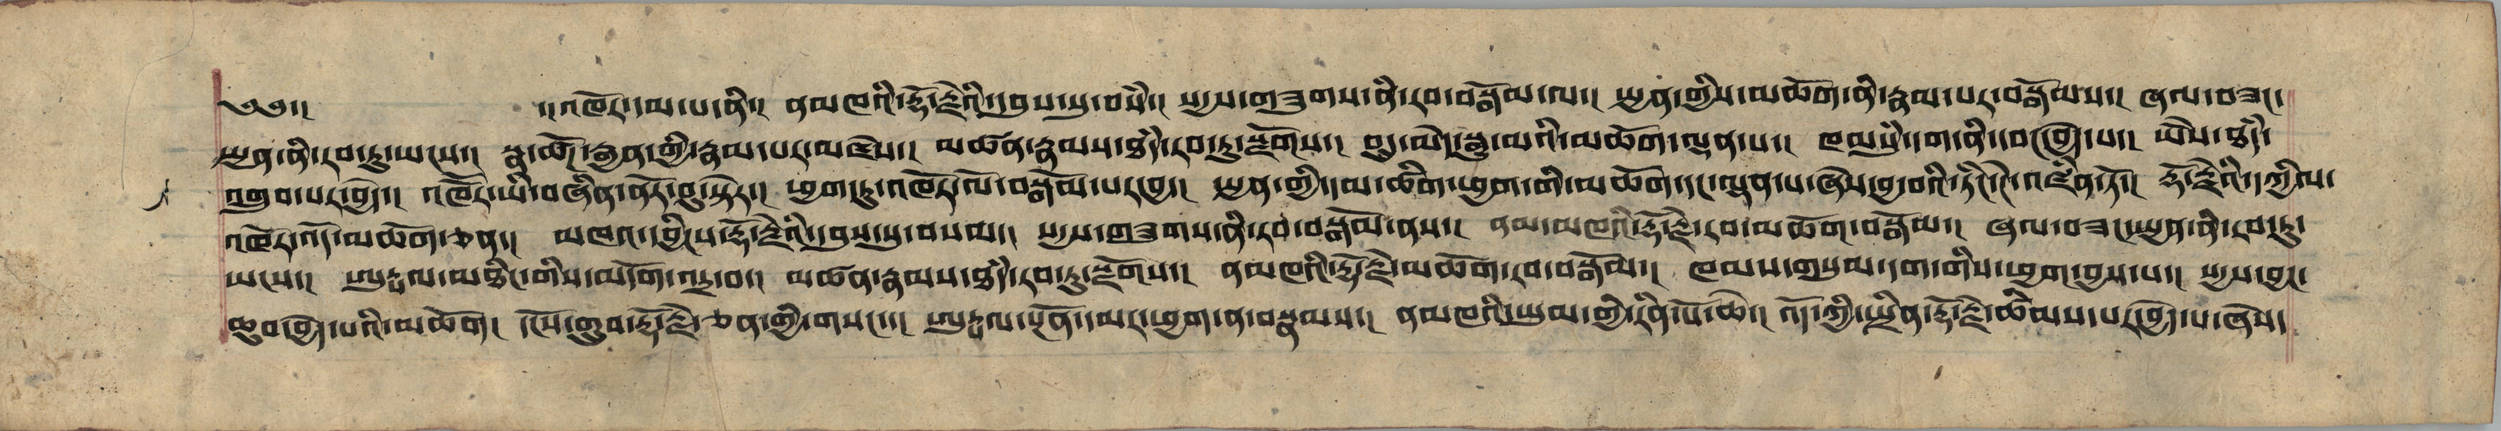༄༅་། ་།འཁོར་དམ་པ་ནི་། ནམཁའི་རྡོ་རྗེའི་དབུས་སུ་བསཾ་། སདྱས་གཟུགས་ནིརབ་བསྒོམ་ལ་། སྤྱན་གྱིས་མཆོག་ནི་རྣམ་པར་བསྒོམས་། ཞལ་བཟང་
སྤྱན་ནི་རབ་ཏུ་ཡངས་། སྣ་ཚོཌ་རྒྱན་གྱི་རྣམ་པར་མཛེས་། མཚན་རྣམས་ཐཾད་རབ་ཏུ་སྫོགས་། བུད་མེད་སྒྱུ་མའི་མཆོག་ལྡན་པ་། ཁམསུཾ་དག་ནི་དབང་བྱེད་པ་། ཡཻས་ཐཾད་
འགྲུབ་པར་བྱེད་། འཁོརོ་ཡི་བཞིན་ནོར་བུ་སྟེར་། ཕྱག་ཏུ་འཁོར་ལོ་བསྒོམ་པར་བྱ་། སྤྱན་གྱི་དམ་ཚིག་ཕྱག་གི་མཆོག་དང་ལྡན་པ་ཞེས་བྱ་བའི་ཏིང་ངེ་འཛིན་་ཏོ་། རྡོ་རྗེའི་དཀྱིལ་
འཁོར་འོད་མཆོག་ཅན་། མཁའ་དབྱིངས་རྡོ་རྗེའི་དབུས་སུ་བསམ་། སདྱས་གཟུགས་ནི་རབ་བསྒོམ་ནས་། ནམ་མཁའི་རྡོ་རྗེ་རབ་མཆོག་བསྒོམ་། ཞལ་བཟང་སྤྱན་ནི་རབ་ཏུ་
ཡངས་། ཨུཏྤལ་མཐིང་གིས་མདོག་འདྲ་བ་། མཚན་རྣམས་ཐཾད་རབ་ཏུ་སྫོགས་། ནམཁའི་རྡོ་རྗེ་མཆོག་རབ་བསྒོམ་། ཁམས་གསུམ་དག་གིས་ཕྱག་བྱས་པ་། སདྱས་བྱང་
ཆུབ་བྱེད་པའི་མཆོག། དངོས་གྲུབ་རྡོ་རྗེ་ཅན་གྱི་གསང་་། ཨཏྤལ་སྔོན་དམར་ཕྱག་ན་བསྣམས་། ནམཁའི་ཡུམ་གྱི་རིན་པོ་ཆེ་། འོད་ཀྱི་སྤྲིན་རྡོ་རྗེ་ཚིམས་པར་བྱེད་པ་ཞེས་